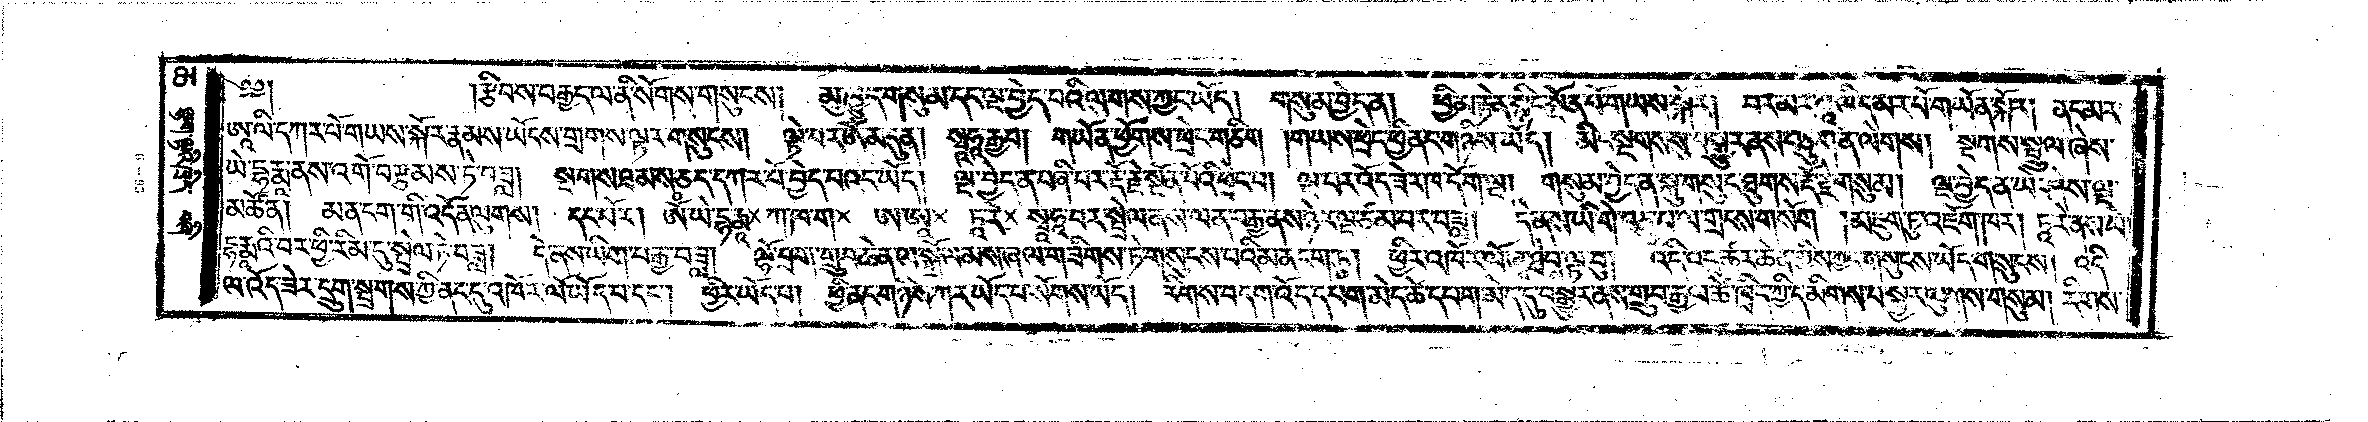༄༅། །རྩིབས་བརྒྱད་ལ་ནི་སོགས་གསུངས། མུ་ཁྱུད་གསུམ་དང་ལྔ་བྱེད་པའི་ལུགས་ཀྱང་ཡོད། གསུམ་བྱེད་ན། ཕྱི་མ་རྟེན་སྙིང་སྔོན་པོ་གཡས་སྐོར། བར་མར་ཀཱ་ལི་དམར་པོ་གཡོན་སྐོར། ནང་མར་
ཨཱ་ལི་དཀར་པོ་གཡས་སྐོར་རྣམས་ཡོངས་གྲགས་ལྟར་གསུངས། ལྟེ་བར་ཨོཾ་མདུན། སྭཱཧཱ་རྒྱབ། གཡོན་ཕྱོགས་ཕྲེང་གཅིག །གཡས་ཕྲེང་ཕྱི་ནང་གཉིས་ཡོད། མིང་སྔགས་སུ་བསྒྱུར་ནས་བཅུག་ན་ལེགས། སྔགས་སྤྲུལ་ཞེས་
ཡེ་དྷརྨཱ་ནས་འགོ་བརྩམས་ཏེ་བཟླ། སྔགས་ཐམས་ཅད་དཀར་པོ་བྱེད་པའང་ཡོད། ལྔ་བྱེད་ན་བཞི་པར་རྡོ་རྗེ་སྔོན་པོའི་ཕྲེང་བ། ལྔ་པར་འོད་ཟེར་ཁ་དོག་ལྔ། གསུམ་བྱེད་ན་སྐུ་གསུང་ཐུགས་རྡོ་རྗེ་གསུམ། ལྔ་བྱེད་ན་ཡེ་ཤེས་ལྔ་
མཚོན། མན་ངག་གི་འདོན་ལུགས། དང་པོར། ཨོཾ་ཡེ་དྷརྨཱ་྾་ཀ་ཁ་ག་྾་ཨ་ཨཱ་྾་ཏཱ་རེ་྾་སྭཱཧཱ་བར་སྦྲེལ་ནས་ལན་བརྒྱ་ནས་ཉེར་ལྔ་ཙམ་པར་བཟླ། དེ་ནས་ཡི་གེ་བཅུ་པ་ལ་གྲངས་གསོག །མཇུག་ཏུ་འཇོག་ཁར། ཏཱ་རེ་ནས་ཡེ་
དྷརྨཱའི་བར་ཕྱི་རིམ་དུ་སྦྲེལ་ཏེ་བཟླ། དེ་ནས་ཡིག་བརྒྱ་བཟླ། ལྷོ་བྲག་གྲུབ་ཆེན་ལ་སྒྲོལ་མས་ཞལ་གཟིགས་ཏེ་གསུངས་པའི་མན་ངག་ཏུ། ཕྱིར་འཁོར་ལོ་ཞྭ་ཐབས་ལྟ་བུ། འདི་འདྲ་ཚར་ཆེན་གྱིས་ཀྱང་གསུངས་ཡོད་གསུངས། འདི་
ལ་འོད་ཟེར་དྲུག་སྦྲགས་ཀྱི་ནང་དུ་འཁོར་ལོ་ཡོད་པ་དང་། ཕྱིར་ཡོད་པ། ཕྱི་ནང་གཉིས་ཀར་ཡོད་པ་སོགས་ཡོད། རིགས་བདག་འོད་དཔག་མེད་ཚེ་དཔག་མེད་དུ་བསྒྱུར་ནས་གྲུབ་རྒྱལ་ཚེ་ཁྲིད་ཀྱི་དམིགས་པ་སྦྱར་ལུགས་གསུམ། རིགས་